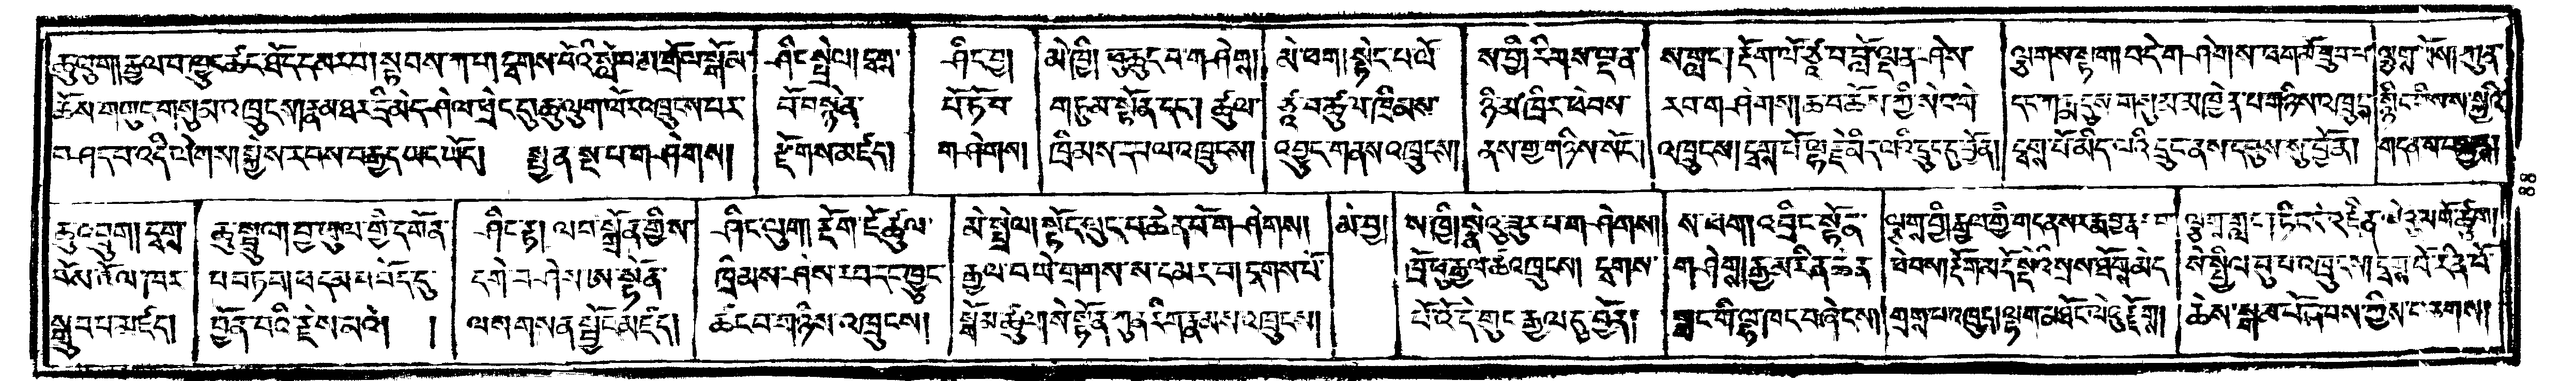ཆུ་ལུག། རྒྱལ་བ་ཁྱུང་ཚང་ཐོད་དམར་བ། སྟབས་ཀ་པ། དྭགས་པོའི་སློབ་མ་གྲོལ་སྒོམ་ཤིང་སྤྲེལ། སྭགས་ཤིང་བྱ། མེ་ཁྱི། ཕུ་ཆུང་བ་གཤེགས། མེ་ཕག་སྟེང་པ་ལོ་ས་བྱི། རིགས་ལྡན་ས་གླང་། རྡོག་ལོ་ཙཱ་བ་བློ་ལྡན་ཤེས་ལྕགས་སྟག །བདེ་གཤེགས་ཕག་མོ་གྲུབ་པ་ལྕགས་ཕོས?། ཀུན་
ཆོས་གཡུང་གསུམ་འཁྲུངས། རྣམ་ཐར་དྲི་མེད་ཤེལ་ཕྲེང་དུ། ཆུ་ལུག་ལོར་འཁྲུངས་པར་པོ་བསྙེན་པོ་ཏོ་བ་གཏུམ་སྟོན་དང་། ཚུལ་ཙཱ་བ་ཚུལ་ཁྲིམས་ཉི་མ་ཁྲིར་ཕེབས་རབ་གཤེགས། ཆ་བ་ཆོས་ཀྱི་སེར་དེ། དང་ཀརྨ་དུས་གསུམ་མཁྱེན་པ་གཉིས་འཁྲུངས། སྙིང་གིས་ས་སྐྱའི་
བཤད་པ་འདི་ལེགས། སྐྱེས་རབས་བརྒྱད་ཡང་ཡོད། སྤྱན་སྔ་པ་གཤེགས། རྫོགས་མཛད། གཤེགས། ཁྲིམས་དཔལ་འཁྲུངས། འབྱུང་གནས་འཁྲུངས། ནས་གྱ་གཉིས་སོང་། འཁྲུངས། དྭགས་པོ་ལྷ་རྗེ་མིད་ལའི་དྲུང་དུ་བྱོན། དྭགས་པོ་མིན་པའི་དྲུང་ནས་དབུས་སུ་བྱོན། གདས་ས་བསྐྱར??།
ཆུ་འབྲུགས་དྭགས་ཆུ་སྦྲུལ། བྱ་ཡུལ་གྱི་དགོན་ཤིང་རྟ། ལབ་སྒྲོན་གྱིས་ཤིང་ལུག། རྡོག་ཇོ་ཚུལ་མེ་སྤྲེལ། སྟོང་ལུང་པ་ཆེན་པོ་གཤེགས། མེ་བྱ། ས་ཁྱི། སྣེའུ་ཟུར་པ་གཤེགས། ས་ཕག །འབྲིང་སྟོན་ལྕགས་བྱི། རྒྱལ་གྱི་གདན་སར་རྨ་བྱ་རྣམ་པ། ལྕ་བྲ་གླང་། ཏིང་ངེ་འཛིན་ཡེའུ་མགོ་ཚུག །
བོས་འོལ་ཁར་པ་བཏབ། ཕ་དམ་པ་པོད་དུ་དགེ་བཤེས་ཨ་སྟོན། ཁྲིམས་ཤེས་རབ་དང་ཁྱུང་རྒྱལ་བ་ཡེ་གྲགས་ས་དམར་བ། དགས་པོ་ཁྲོ་ཕུ་རྒྱལ་ཚ་འཁྲུངས། དྭགས་གཤེགས། རྒྱ་མ་རིན་ཆེན། ཕེབས། རྡོག་མདོ་སྡེའི་སྲས་ཐོགས་མེད་སེ་སྤྱིལ་བུ་པ་འཁྲུངས། དྭགས་བོ་རིན་པོ་
སྒྲུབ་པ་མཛད། བྱོན་པའི་རྗེས་མའི། །ལས་གསན་སྦྱོང་མཛད། ཚང་བ་གཉིས་འཁྲུངས། སྒོམ་ཚུལ། སེ་སྟོན་ཀུན་རིག་རྣམས་འཁྲུངས། པོ་འོ་དེ་གུང་རྒྱལ་དུ་བྱོན། གླང?་གི་ལྷ་ཁང་བཞེངས། གྲགས་པ་འཁྲུད། ལྷག་མཐོང་ལེའུ་རྫོགས། ཆེས་སྒམ་པོ་ཞབས་ཀྱིས་ཅགས།